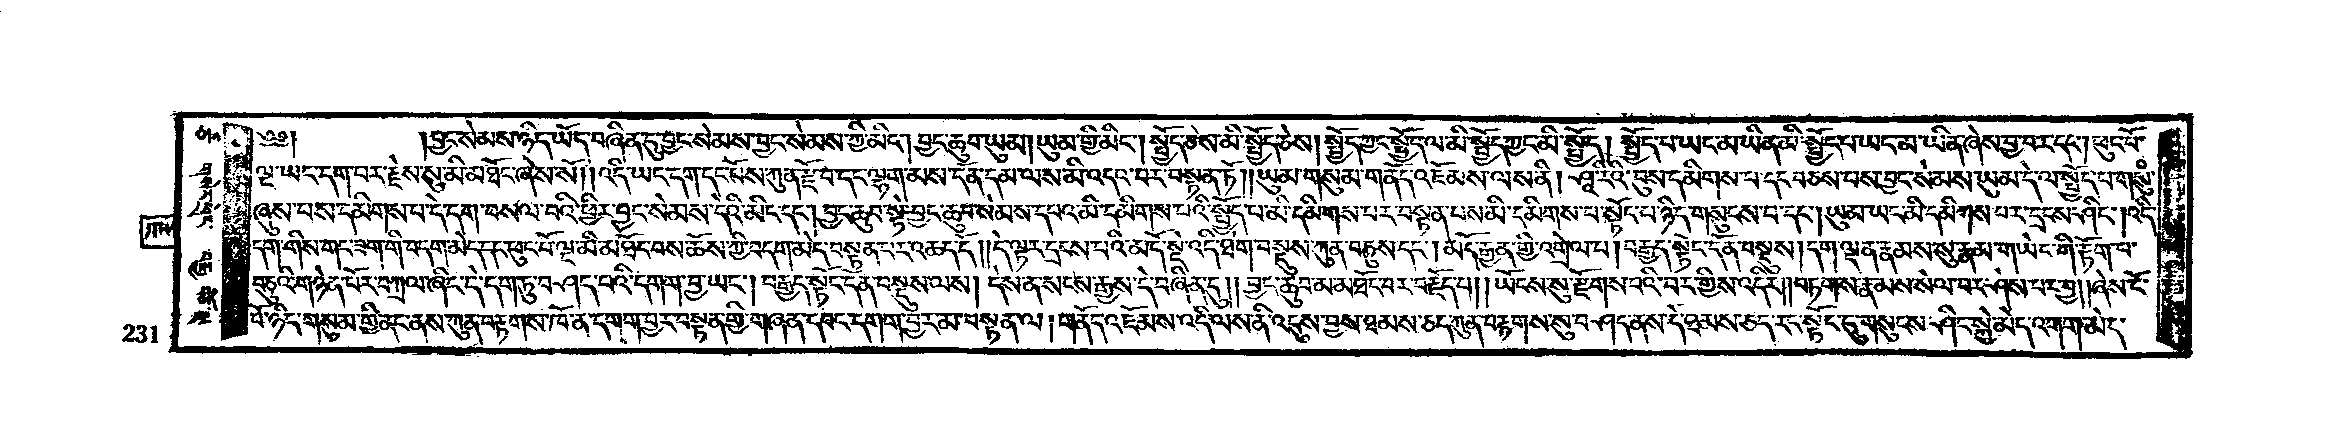༄༅། །བྱང་སེམས་ཉིད་ཡོད་བཞིན་དུ་བྱང་སེམས་བྱང་སེམས་ཀྱི་མིང་། བྱང་ཆུབ་ཡུམ། ཡུམ་གྱི་མིང་། སྤྱོད་ཅེས་མི་སྤྱོད་ཅེས། སྤྱོད་ཀྱང་སྤྱོད་ལ་མི་སྤྱོད་ཀྱང་མི་སྤྱོད། སྤྱོད་པ་ཡང་མ་ཡིན་མི་སྤྱོད་པ་ཡང་མ་ཡིན་ཞེས་བྱ་བར་དང་། ཕུང་པོ་
ལྔ་ཡང་དག་པར་རྗེས་སུ་མི་མཐོང་ཞེས་སོ། །འདི་ཡང་དག་དང་པོས་ཀུན་རྫོབ་དང་ལྷག་མས་དོན་དམ་ལས་མི་འདའ་བར་བསྟན་ཏོ། །ཡུམ་གསུམ་གནོད་འཇོམས་ལས་ནི། ཤཱ་རིའི་བུས་དམིགས་པ་དང་བཅས་པས་བྱང་སེམས་ཡུམ་དེ་ལ་སྤྱོད་པ་གསུམ་
ཞུས་པས་དམིགས་པ་དེ་དག་བསལ་བའི་ཕྱིར་བྱང་སེམས་དེའི་མིང་དང་། བྱང་ཆུབ་སྟེ་བྱང་ཆུབ་སེམས་དཔའ་མི་དམིགས་པའི་སྤྱོད་པ་མི་དམིགས་པར་བསྟན་པས་མི་དམིགས་པ་སྟོང་པ་ཉིད་གསུངས་པ་དང་། ཡུམ་ཡང་མི་དམིགས་པར་དྲངས་ཤིང་། འདི་
དག་གིས་གང་ཟག་གི་བདག་མེད་དང་ཕུང་པོ་ལྔ་མི་མཐོང་བས་ཆོས་ཀྱི་བདག་མེད་བསྟན་པར་འཆད་དོ། །དེ་ལྟར་དྲངས་པའི་མདོ་སྡེ་འདི་ཐེག་བསྡུས་ཀུན་བཏུས་དང་། མདོ་རྒྱན་གྱི་འགྲེལ་པ། བརྒྱད་སྟེང་དོན་བསྡུས། དག་ལྡན་རྣམས་སུ་རྣམ་གཡེང་གི་རྟོག་པ་
བཅུའི་གཉེན་པོར་བཀྲལ་ཞིང་དེ་དག་ཏུ་བཤད་པའི་དག་བྱ་ཡང་། བརྒྱད་སྟོང་དོན་བསྡུས་ལས། དེས་ན་སངས་རྒྱས་དེ་བཞིན་དུ། །བྱང་ཆུབ་མ་མཐོང་བར་བརྗོད་པ། །ཡོངས་སུ་རྫོགས་པའི་བར་གྱིས་འདིར། །བཏགས་རྣམས་སེལ་བར་ཤེས་པར་བྱ། །ཞེས་ངོ་
བོ་ཉིད་གསུམ་གྱི་ནང་ནས་ཀུན་བརྟགས་ཁོ་ན་དགག་བྱར་བསྟན་གྱི་གཞན་དབང་དགག་བྱར་མ་བསྟན་ལ། གནོད་འཇོམས་འདི་ལས་ནི་འདུས་བྱས་ཐམས་ཅད་ཀུན་བརྟགས་སུ་བཤད་ནས་དེ་ཐམས་ཅད་རང་སྟོང་དུ་གསུངས་ཤིང་སྐྱེ་མེད་འགག་མེད་